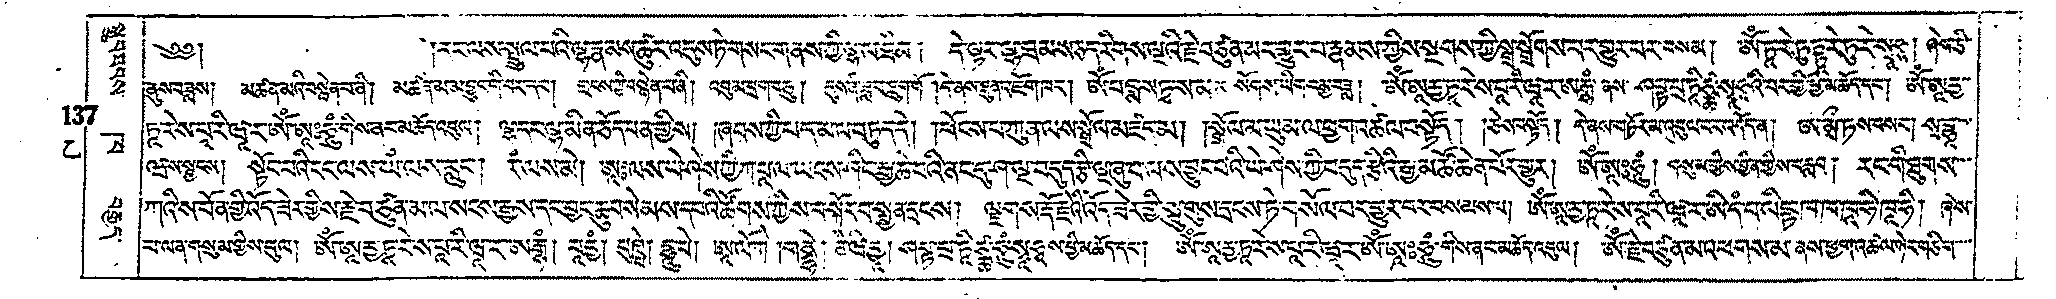༄༅། །རང་ལས་སྤྲུལ་པའི་ལྷ་རྣམས་ཚུར་འདུས་ཏེ་གསང་གནས་ཀྱི་ལྷ་ལ་ཐིམ། དེ་ལྟར་ལྷ་ཐམས་ཅད་རིགས་ལྔའི་རྗེ་བཙུན་མར་གྱུར་པ་རྣམས་ཀྱིས་སྔགས་ཀྱི་སྒྲ་སྒྲོགས་པར་གྱུར་པར་བསམ། ཨོཾ་ཏཱ་རེ་ཏུཏྟཱ་རེ་ཏུ་རེ་སྭཱཧཱ། ཞེས་ཅི་
ནུས་བཟླས། མཚན་མའི་བསྙེན་པ་ནི། མཚན་མ་མ་བྱུང་གི་བར་དང་། གྲངས་ཀྱི་བསྙེན་པ་ནི། འབུམ་ཕྲག་བཅུ། དུས་ནི་ཟླ་བ་དྲུག་གོ །དེ་ནས་ཐུན་འཇོག་ཁར། ཨོཾ་པདམ་སཏྭ་ས་མ་྾་སོགས་ཡིག་བརྒྱ་བཟླ། ཨོཾ་ཨཱརྱ་ཏཱ་རེ་ས་པཱ་རི་ཝཱ་ར་ཨརྒྷཾ་ནས་ཤཔྟ་པྲ་ཏཱི་ཙྪ་སྭཱཧཱའི་བར་གྱི་ཕྱི་མཆོད་དང་། ཨོཾ་ཨཱརྱ་་་
ཏཱ་རེ་ས་པཱ་རི་ཝཱ་ར་ཨོཾ་ཨཱཿཧཱུཾ་གིས་ནང་མཆོད་འབུལ།  ལྷ་དང་ལྷ་མིན་ཅོད་པན་གྱིས། །ཞབས་ཀྱི་པད་མ་ལ་བཏུད་དེ། །ཕོངས་པ་ཀུན་ལས་སྒྲོལ་མཛད་མ། །སྒྲོལ་མ་ཡུམ་ལ་ཕྱག་འཚལ་བསྟོད། །ཅེས་བསྟོད། དེ་ནས་གཏོར་མ་འབུལ་བར་འདོད་ན།  ཨ་མྲྀ་ཏས་བསང་།  སྭ་བྷཱ་་་
ཝས་སྦྱངས། སྟོང་པའི་ངང་ལས་ཡཾ་ལས་རླུང་། རཾ་ལས་མེ། ཨཱཿལས་ཡེ་ཤེས་ཀྱི་ཀ་པཱ་ལ་ཡངས་ཤིང་རྒྱ་ཆེ་བའི་ནང་དུ་ཤ་ལྔ་བདུད་རྩི་ལྔ་ཞུ་བ་ལས་བྱུང་བའི་ཡེ་ཤེས་ཀྱི་བདུད་རྩིའི་རྒྱ་མཚོ་ཆེན་པོར་གྱུར། ཨོཾ་ཨཱཿཧཱུཾ། གསུམ་གྱིས་བྱིན་གྱིས་བརླབ།  རང་གི་ཐུགས་་་
ཀའི་ས་བོན་གྱི་འོད་ཟེར་གྱིས་རྗེ་བཙུན་མ་ལ་སངས་རྒྱས་དང་བྱང་ཆུབ་སེམས་དཔའི་ཚོགས་ཀྱིས་བསྐོར་བ་སྤྱན་དྲངས། ལྗགས་རྡོ་རྗེའི་འོད་ཟེར་གྱི་སྦུ་གུས་དྲངས་ཏེ་གསོལ་བར་གྱུར་བར་བསམས་ལ།  ཨོཾ་ཨཱརྱ་ཏཱ་རེ་ས་པཱ་རི་ཝཱ་ར་ཨི་དཾ་བ་ལིངྟ་ཁ་ཁ་ཁཱ་ཧི་ཁཱ་ཧི། ཞེས་
པ་ལན་གསུམ་གྱིས་ཕུལ། ཨོཾ་ཨཱརྱ་ཏཱ་རེ་ས་པཱ་རི་ཝཱ་ར་ཨརྒྷཾ། པཱདྱཾ། པུཥྤེ། དྷཱུ་པེ། ཨཱ་ལོ་ཀེ །གནྡྷེ། ནཻ་ཝིདྱཱ། ཤཔྟ་པྲ་ཏཱི་ཙྪ་ཧཱུཾ་སྭཱཧཱ་ས་ཕྱི་མཆོད་དང་།  ཨོཾ་ཨཱརྱ་ཏཱ་རེ་ས་པཱ་རི་ཝཱ་ར་ཨོཾ་ཨཱཿཧཱུཾ་གིས་ནང་མཆོད་འབུལ།  ཨོཾ་རྗེ་བཙུན་མ་འཕགས་མ་ནས་ཕྱག་འཚལ་ཉེར་གཅིག་་་